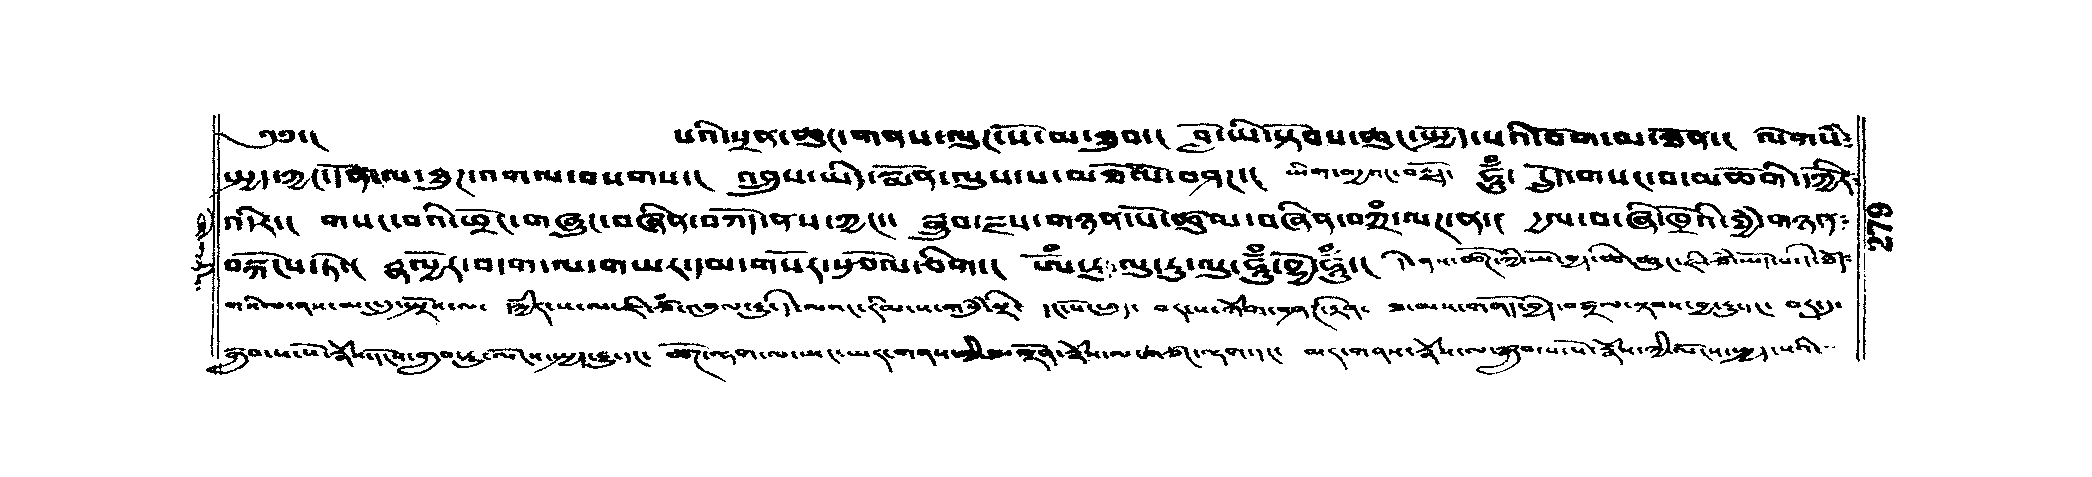པའི་སྲན་ཆུང་གནས་ལུགས་སོ་མ་ཐུབ། །བློ་ཡི་སྟོབས་ཆུང་སྤྱོད་པའི་བོག་མ་ཐོན། །ལེགས་སམ་
སྤྱོད་ཀྱང་དོན་ལ་ཐུགས་འགལ་བསགས། །འབྲས་བུས་ཡིད་སྨོན་ལུས་པ་མཐོལ་ལོ་བཤགས། ། ཡིག་བརྒྱ་བརྗོད། ཧཱུྃ། དུར་ཁྲོད་གསང་བ་མཆོག་གི་དཀྱིལ་འཁོར་
འདིར། །གསང་བའི་ཕོ་བྲང་བཞུགས་བཞིན་བཀོད་ནས་ཀྱང་། ། སྒྲུབ་རྫས་གཉན་པོ་ཚུལ་བཞིན་བཀྲམ་ལགས་ན། །རྒྱལ་བ་ཞི་ཁྲོའི་ཐུགས་དམ་གཉན་
བསྐོངས་ཏེ། །རྣལ་འབྱོར་བདག་ལ་གཡར་དམ་གསོར་སྩོལ་ཅིག་ཨོཾ་རུ་ལུ་རུ་ལུ་ཧཱུྃ་བྷྱོ་ཧཱུྃ། དེ་ནས་ཚོགས་ཀྱི་ཡོ་བྱད་ཆེ་ཆུང་ཇི་ཙམ་ཡོད་པ་དེ་ཐམས་ཅད་
གསིལ་ནས་མང་དུ་སྤྲོས་ལ། དཀྱིལ་འཁོར་ལ་ཇི་ཙམ་འབུལ་རྒྱུ་དེ་ལའང་རིམ་པ་གསུམ་སྟེ། དང་པོ་ཕུད། བར་པ་ཉམས་བཤགས། ཐ་མས་གནོད་བྱེད་བསྒྲལ་སྟབས་བྱ་རྒྱུ་དང་། བར་དུ་
སྒྲུབ་པ་པོ་རྣམས་དངོས་གྲུབ་ཏུ་ལོངས་སྤྱོད་རྒྱུ་དང་། ཚོགས་ལྷག་ལ་ཡང་ཡར་གནས་ཀྱི་མགྲོན་རྣམས་ལ་གཙང་ལྷག་དང་། མར་གནས་རྣམས་ལ་སྒྲུབ་པ་པོ་རྣམས་ཀྱི་ལོངས་སྤྱད་པའི་